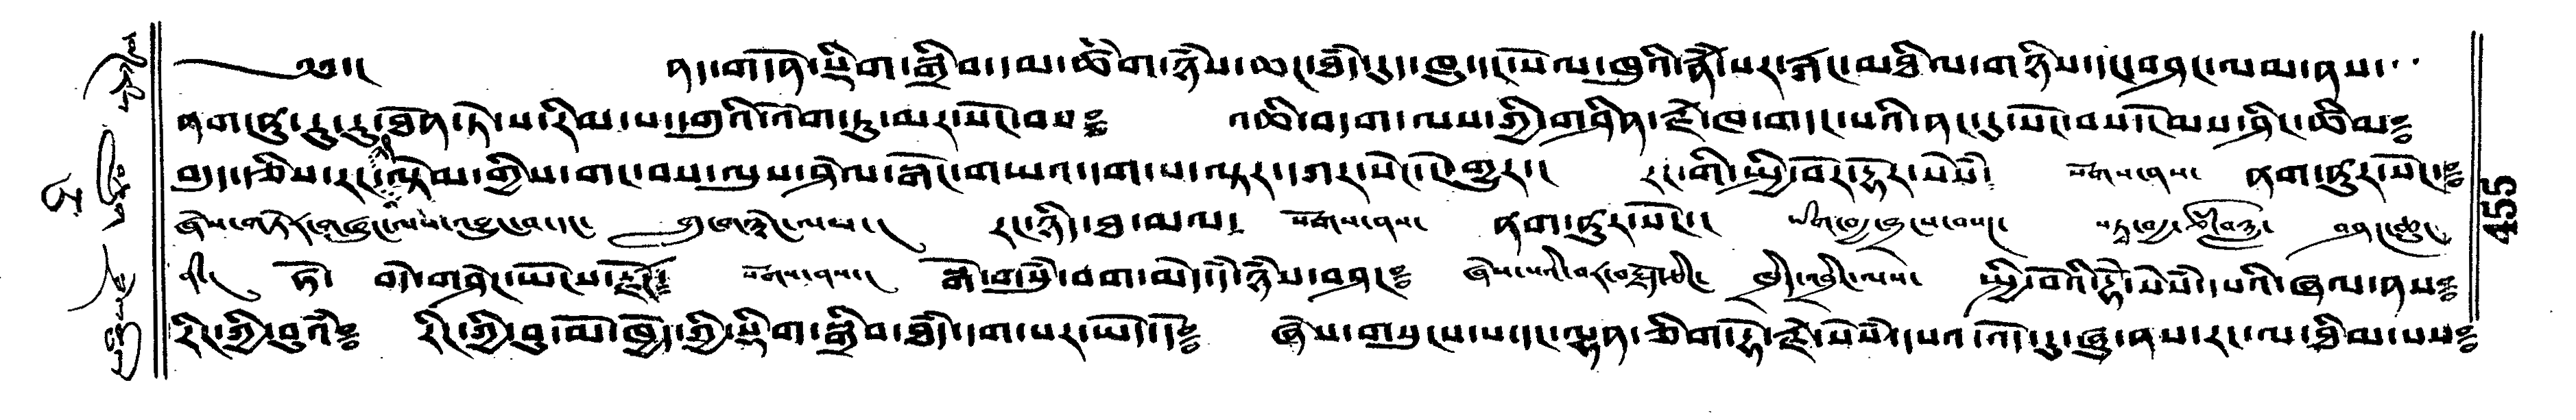ནད་གདོན་སྡིག་སྒྲིབ་དམ་ཚིག་ཉམས་ཆག་ཐམས་ཅད་དུད་ཁུ་དང་སོལ་ཁུའི་རྣམ་པར་རྐང་མཐིལ་གཉིས་དང་བཤང་ལམ་ནས་
ནག་ནུ་རུ་རུ་ཐོན་ཏེ་ས་རིམ་པ་དགུའི་འོག་ཏུ་མར་སོང་བས༔ འཆི་བདག་ལས་ཀྱི་གཤིན་རྗེ་ཁ་གདངས་པའི་ནང་དུ་སོང་བས་ངོམས་ཤིང་ཚིམ༔ 
བདུད་རྩིས་རང་ལྟེམ་གྱིས་གང་བས་ལུས་ཤེལ་སྒོང་གཡའ་དག་པ་ལྟར་དཀར་སེང་ངེ་གྱུར༔ རང་གི་སྤྱི་བོར་རྡོར་སེམས༴ སོགས་ནས། ནག་ནུར་སོང༔ 
ཞེས་གཏེར་གཞུང་ལས་འབྱུང་བ་དང་། གྲུ་གཟེང་ལས། རང་ཉིད་ཐ་མལ༴ སོགས་ནས། ནག་ནུར་སོང༔ ཡིག་བརྒྱ་གྲངས་བསག སཏྭ་བརྒྱ་ཙམ་བཟླ། བཤགས་ཆུང་
ནི། ཧོ། བདེ་གཤེགས་ཡོངས་རྫོགས༴ སོགས་ནས། སྒོ་གསུམ་བག་མེད་དམ་ཉམས་བཤགས། ཞེས་པའི་བར་བརྗོད་ཅིང་། ཁྲིད་འབྲིང་ལས། སྤྱི་བོའི་རྡོ་རྗེ་སེམས་དཔའི་ཞལ་ནས༔ 
རིགས་ཀྱི་བུའམ༔ རིགས་ཀྱི་བུ་མོ་ཁྱོད་ཀྱི་སྡིག་སྒྲིབ་ཐམས་ཅད་དག་པར་ཡོད་དོ༔ ཞེས་གསུངས་པ་དང་ལྷན་ཅིག་རྡོ་རྗེ་སེམས་དཔའ་འོད་དུ་ཞུ་ནས་རང་ལ་ཐིམ་པས༔